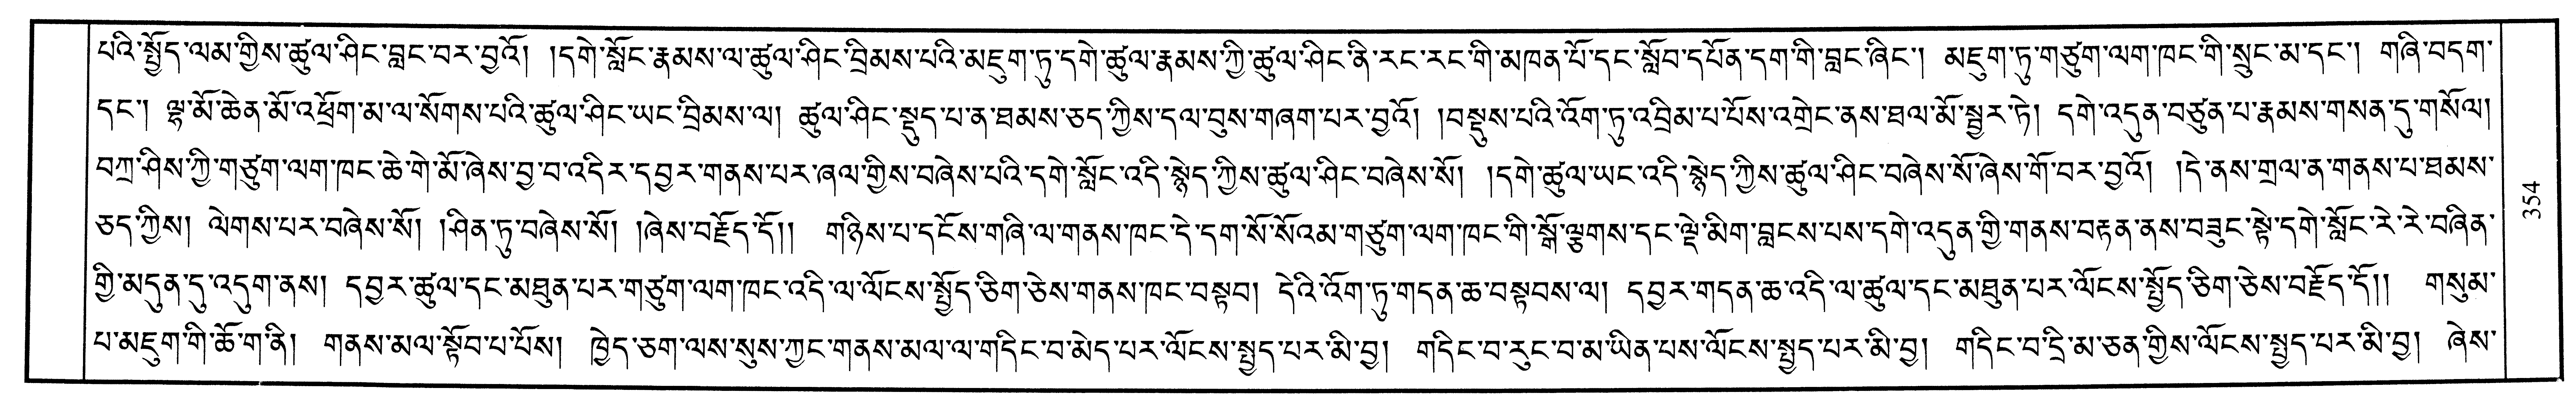པའི་སྤྱོད་ལམ་གྱིས་ཚུལ་ཤིང་བླང་བར་བྱའོ། །དགེ་སློང་རྣམས་ལ་ཚུལ་ཤིང་བྲིམས་པའི་མཇུག་ཏུ་དགེ་ཚུལ་རྣམས་ཀྱི་ཚུལ་ཤིང་ནི་རང་རང་གི་མཁན་པོ་དང་སློབ་དཔོན་དག་གི་བླང་ཞིང་། མཇུག་ཏུ་གཙུག་ལག་ཁང་གི་སྲུང་མ་དང་། གཞི་བདག་
དང་། ལྷ་མོ་ཆེན་མོ་འཕྲོག་མ་ལ་སོགས་པའི་ཚུལ་ཤིང་ཡང་བྲིམས་ལ། ཚུལ་ཤིང་སྡུད་པ་ན་ཐམས་ཅད་ཀྱིས་དལ་བུས་གཞག་པར་བྱའོ། །བསྡུས་པའི་འོག་ཏུ་འབྲིམ་པ་པོས་འགྲེང་ནས་ཐལ་མོ་སྦྱར་ཏེ། དགེ་འདུན་བཙུན་པ་རྣམས་གསན་དུ་གསོལ།
བཀྲ་ཤིས་ཀྱི་གཙུག་ལག་ཁང་ཆེ་གེ་མོ་ཞེས་བྱ་བ་འདིར་དབྱར་གནས་པར་ཞལ་གྱིས་བཞེས་པའི་དགེ་སློང་འདི་སྙེད་ཀྱིས་ཚུལ་ཤིང་བཞེས་སོ། །དགེ་ཚུལ་ཡང་འདི་སྙེད་ཀྱིས་ཚུལ་ཤིང་བཞེས་སོ་ཞེས་གོ་བར་བྱའོ། །དེ་ནས་གྲལ་ན་གནས་པ་ཐམས་
ཅད་ཀྱིས། ལེགས་པར་བཞེས་སོ། །ཤིན་ཏུ་བཞེས་སོ། །ཞེས་བརྗོད་དོ།། གཉིས་པ་དངོས་གཞི་ལ་གནས་ཁང་དེ་དག་སོ་སོའམ་གཙུག་ལག་ཁང་གི་ལྕགས་དང་ལྡེ་མིག་བླངས་པས་དགེ་འདུན་གྱི་གནས་བརྟན་ནས་བཟུང་སྟེ་དགེ་སློང་རེ་རེ་བཞིན་
གྱི་མདུན་དུ་འདུག་ནས། དབྱར་ཚུལ་དང་མཐུན་པར་གཙུག་ལག་ཁང་འདི་ལ་ལོངས་སྤྱོད་ཅིག་ཅེས་གནས་ཁང་བསྟབ། དེའི་འོག་ཏུ་གདན་ཆ་བསྟབས་ལ། དབྱར་གདན་ཆ་འདི་ལ་ཚུལ་དང་མཐུན་པར་ལོངས་སྤྱོད་ཅིག་ཅེས་བརྗོད་དོ།། གསུམ་
པ་མཇུག་གི་ཆོ་ག་ནི། གནས་མལ་སྟོབ་པ་པོས། ཁྱེད་ཅག་ལས་སུས་ཀྱང་གནས་མལ་ལ་གདིང་བ་མེད་པར་ལོངས་སྤྱད་པར་མི་བྱ། གདིང་བ་རུང་བ་མ་ཡིན་པས་ལོངས་སྤྱད་པར་མི་བྱ། གདིང་བ་དྲི་མ་ཅན་གྱིས་ལོངས་སྤྱད་པར་མི་བྱ། ཞེས་